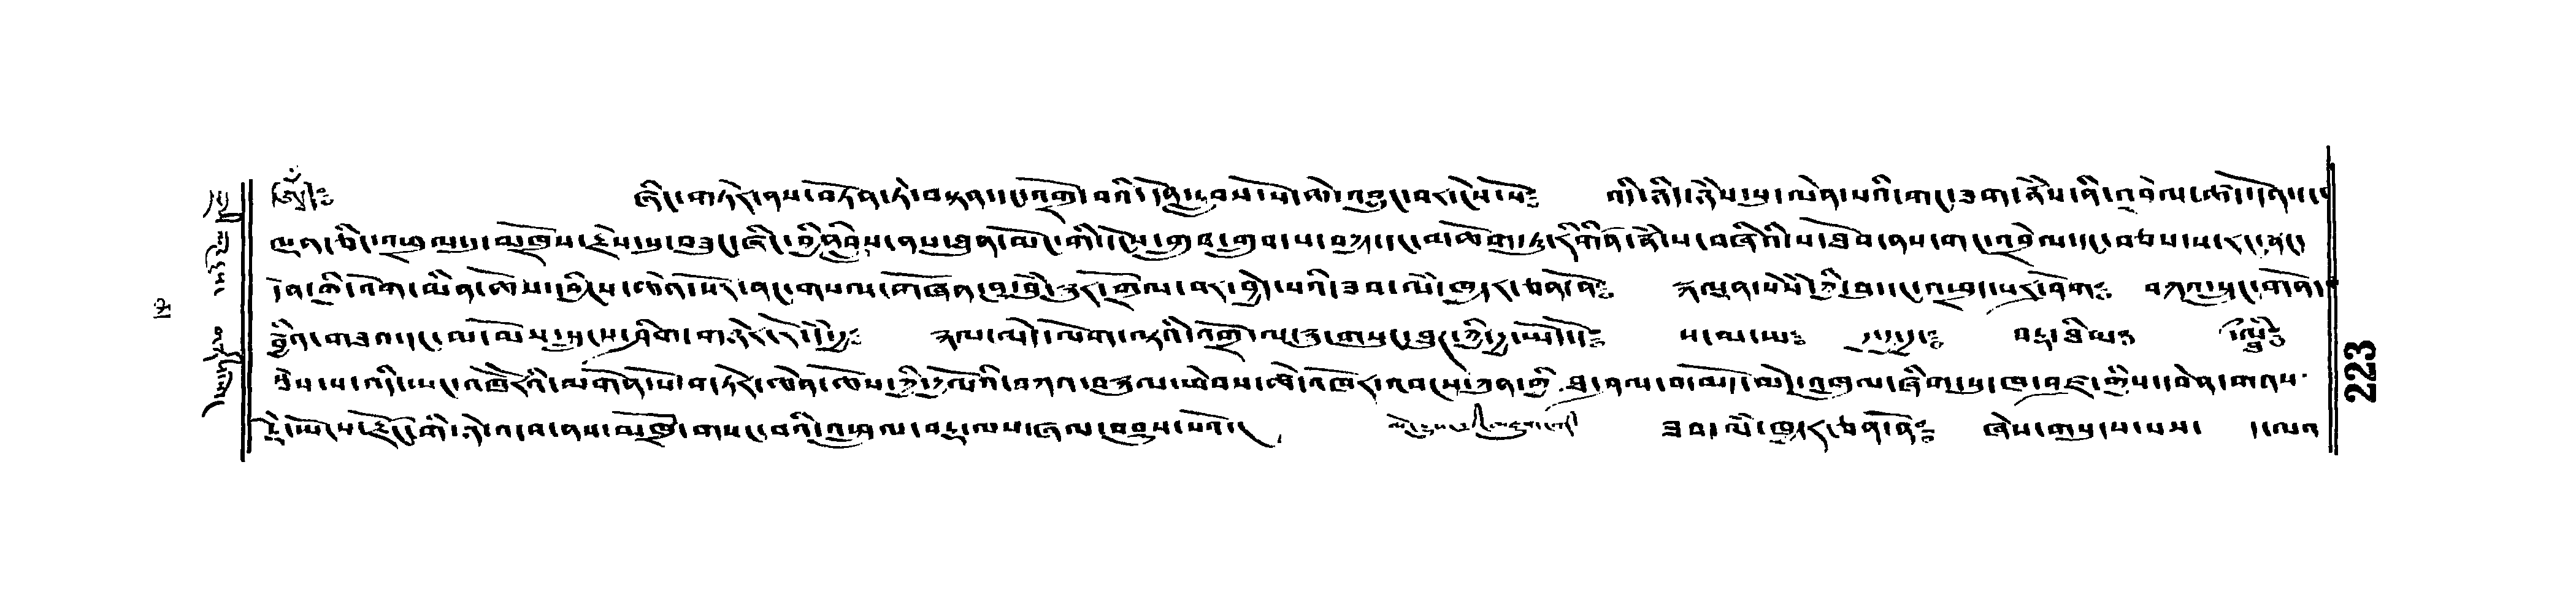ཞིང་གཏེར་ནས་བཏོན་ཏེ་བསྟན་དང་འགྲོ་བའི་དོན་རླབས་སོ་ཆེ་འབྱུང་བར་ངེས་སོ༔ འདི་ཉིད་ཉམས་སུ་ལེན་པའི་གང་ཟག་རྣམས་ནི་འབྲེལ་ཚད་དོན་དང་
ལྡན་ཅིང་འཕྲལ་དུ་མཁའ་འགྲོས་རྗེས་སུ་བཟུང་ཞིང་བྱིན་གྱིས་རླབས་ནས་ཐུན་མོང་གི་དངོས་གྲུབ་གྲུབ་པ་བརྒྱད་དང་མཆོག་ཏུ་རིག་འཛིན་རྣམ་པ་བཞིའི་ས་ཐོབ་ནས་གང་འབྲེལ་བཅས་པ་རང་སྣང་
དོན་གྱི་འོག་མིན་ཆོས་དབྱིངས་ཆེན་པོར་ནང་གསལ་གཞོན་ནུ་བུམ་སྐུར་གྲོལ་བར་བྱེད་པའི་ཟབ་ལམ་ཁྱད་པར་ཅན་ནོ༔ སྐལ་ལྡན་སེམས་ཀྱི་བུ་དང་འཕྲད་པར་ཤོག༔ བཀའ་སྲུང་གནོད་
སྦྱིན་གཟའ་དང་མ་མོས་སྲུངས་ཤིག་གཉེར་རོ་དམ་རྒྱ༔ སྐལ་མེད་ལོག་ལྟའི་འགྲོ་ལ་སྐུ་གསུང་ཐུགས་ཀྱི་རྒྱ་ཡོད་དོ༔ ས་མ་ཡ༔ རྒྱ་རྒྱ་རྒྱ༔ བརྡ་ཐིམ༔ ༔ 
ཅེས་པ་འདི་ཡང་འཁོར་ལོའི་མགོན་པོ་གཏེར་ཆེན་ཆོས་ཀྱི་རྒྱལ་པོའི་བཀའ་བསྐུལ་ཕེབས་ཚེ་འཁོར་འབངས་ཀུན་གྱི་ཐ་ཤལ་བ་མདོ་མེད་འཁྲུལ་ཞིག་སུ་ཁ་བཛྲ་གྱིས་དབེན་གནས་
རྡོ་རྗེ་ཡང་རྫོང་གི་ཉེ་འདབས་ནས་མཁའ་འགྲོ་གསང་བའི་འཕྲུལ་བརྡ་ལས་ཞལ་བཤུས་པའོ༔ ལོ་རྒྱུས་ཀྱི་མཇུག་གི༔ ཟབ་ལམ་ཁྱད་པར་ཅན་ནོ༔ ཞེས་གསུངས་པས༔ ད་ལན་